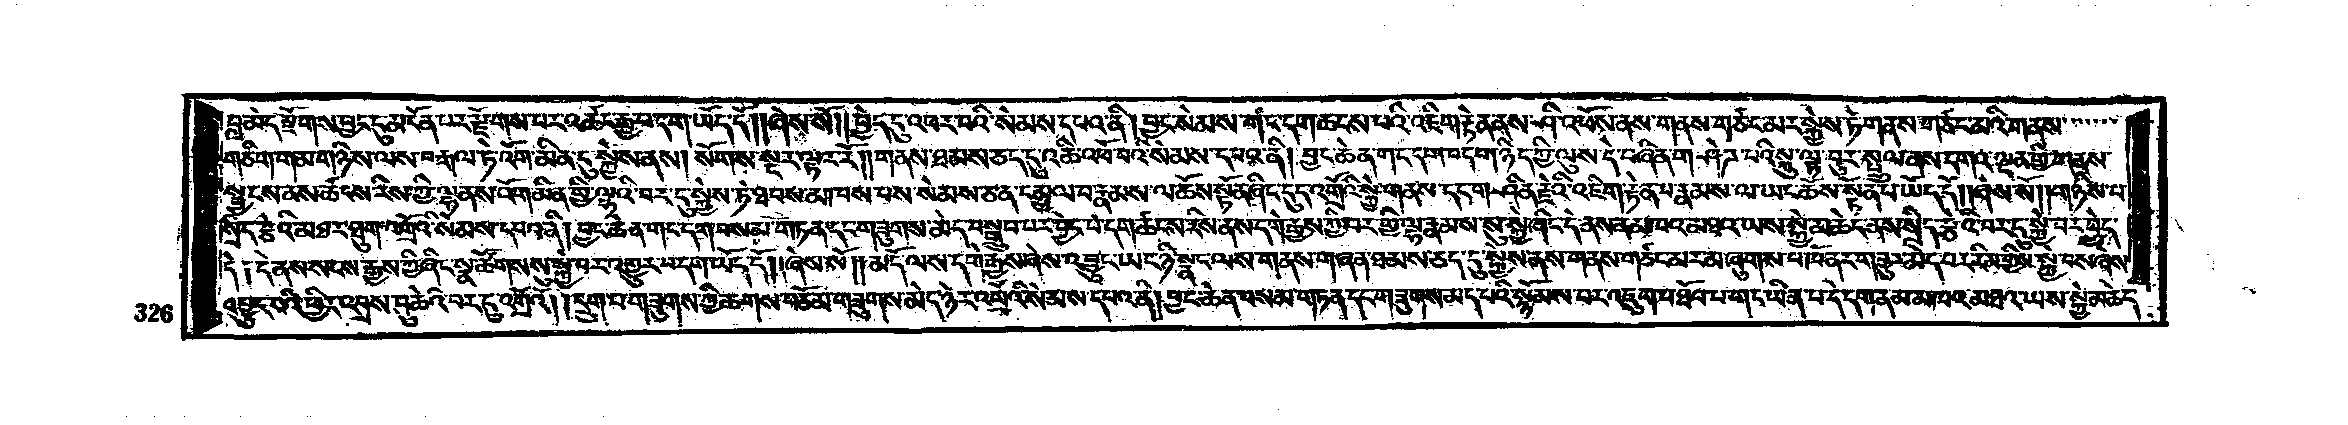བླ་མེད་རྫོགས་བྱང་དུ་མངོན་པར་རྫོགས་པར་འཚང་རྒྱ་བ་དག་ཡོད་དོ། །ཞེས་སོ། །བྱེད་དུ་འཕར་བའི་སེམས་དཔའ་ནི། བྱང་སེམས་གང་དག་ཚངས་པའི་འཇིག་རྟེན་ནས་ཤི་འཕོས་ནས་གནས་གཙང་མར་སྐྱེས་ཏེ་གནས་གཙང་མའི་གནས་
གཅིག་གམ་གཉིས་ལས་བརྒལ་ཏེ་འོག་མིན་དུ་སྐྱེས་ནས། སོགས་སྔར་ལྟར་རོ། །གནས་ཐམས་ཅད་དུ་འཆི་འཕོ་བའི་སེམས་དཔའ་ནི། བྱང་ཆེན་གང་དག་བདག་ཉིད་ཀྱི་ལུས་དེ་བཞིན་གཤེགས་པའི་སྐུ་ལྟ་བུར་སྤྲུལ་ནས་དགའ་ལྡན་གྱི་གནས་
སྦྱངས་ནས་ཚངས་རིས་ཀྱི་ལྷ་ནས་འོག་མིན་གྱི་ལྷའི་བར་དུ་སྐྱེས་ཏེ་ཐབས་མཁས་པས་སེམས་ཅན་དམྱལ་བ་རྣམས་ལ་ཆོས་སྟོན་ཞིང་དུད་འགྲོའི་སྐྱེ་གནས་དང་གཤིན་རྗེའི་འཇིག་རྟེན་པ་རྣམས་ལ་ཡང་ཆོས་སྟོན་པ་ཡོད་དོ། །ཞེས་སོ། །གཉིས་པ་
སྲིད་རྩེའི་མཐར་ཐུག་འགྲོའི་སེམས་དཔའ་ནི། བྱང་ཆེན་གང་དག་བསམ་གཏན་དང་གཟུགས་མེད་བསྒྲུབ་པར་བྱེད་པ་དག་ཚངས་རིས་ནས་དགེ་རྒྱས་ཀྱི་བར་གྱི་ལྷ་རྣམས་སུ་སྐྱེ་ཞིང་དེ་ནས་ནམ་མཁའ་མཐའ་ཡས་སྐྱེ་མཆེད་ནས་སྲིད་རྩེའི་བར་དུ་སྐྱེ་བར་བྱེད་
དེ། དེ་ནས་སངས་རྒྱས་ཀྱི་ཞིང་སྣ་ཚོགས་སུ་སྐྱེ་བར་འགྱུར་བ་དག་ཡོད་དོ། །ཞེས་སོ། །མདོ་ལས་དགེ་རྒྱས་ཞེས་འབྱུང་ཡང་ཉི་སྣང་ལས་གནས་གཞན་ཐམས་ཅད་དུ་སྐྱེས་ནས་གནས་གཙང་མར་མ་ཞུགས་པ་ཁོ་ནར་གཟུགས་མེད་པར་རིམ་གྱིས་སྐྱེ་བས་ཞེས་
འབྱུང་བའི་ཕྱིར་འབྲས་བུ་ཆེའི་བར་དུ་འགྲོའོ། །དྲུག་པ་གཟུགས་ཀྱི་ཆགས་བཅོམ་གཟུགས་མེད་ཉེར་འགྲོའི་སེམས་དཔའ་ནི། བྱང་ཆེན་བསམ་གཏན་དང་གཟུགས་མེད་པའི་སྙོམས་པར་འཇུག་པ་ཐོབ་པ་གང་ཡིན་པ་དེ་དག་ནམ་མཁའ་མཐའ་ཡས་སྐྱེ་མཆེད་